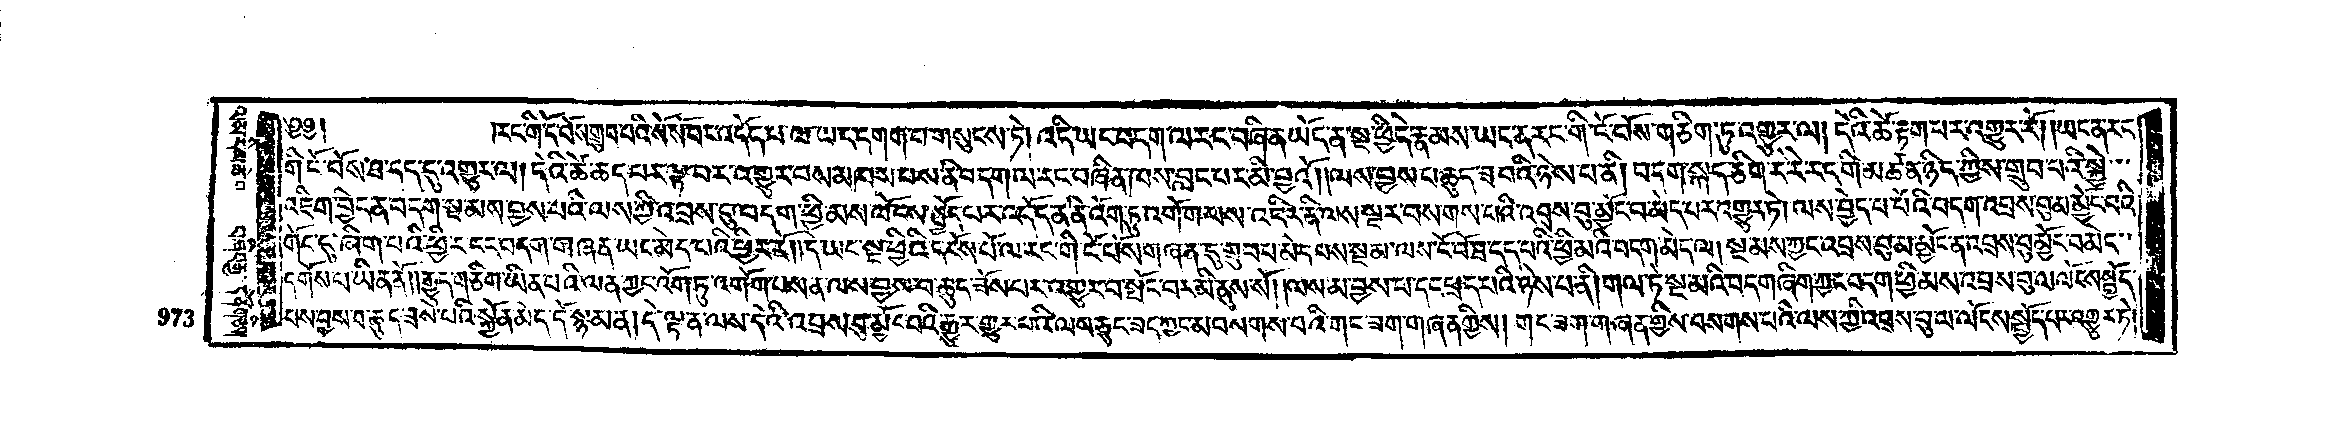༄༅། །རང་གི་ངོ་བོས་གྲུབ་པའི་སོ་སོ་བར་འདོད་པ་ལ་ཡང་དགག་པ་གསུངས་ཏེ། འདི་ཡང་བདག་ལ་རང་བཞིན་ཡོད་ན་སྔ་ཕྱི་དེ་རྣམས་ཡང་ན་རང་གི་ངོ་བོས་གཅིག་ཏུ་འགྱུར་ལ། དེའི་ཚེ་རྟག་པར་འགྱུར་རོ། །ཡང་ན་རང་
གི་ངོ་བོས་ཐ་དད་དུ་འགྱུར་ལ། དེའི་ཚེ་ཆད་པར་ལྟ་བར་འགྱུར་བས་མཁས་པས་ནི་བདག་ལ་རང་བཞིན་ཁས་བླང་བར་མི་བྱའོ། །ལས་བྱས་པ་ཆུད་ཟ་བའི་ཉེས་པ་ནི། བདག་སྐད་ཅིག་རེ་རེ་རང་གི་མཚན་ཉིད་ཀྱིས་གྲུབ་པའི་སྐྱེ་
འཇིག་བྱེད་ན་བདག་སྔ་མས་བྱས་པའི་ལས་ཀྱི་འབྲས་བུ་བདག་ཕྱི་མས་ལོངས་སྤྱོད་པར་འདོད་ན་ནི་འོག་ཏུ་འགོག་པས་འདིར་ནི་ལས་སྔར་བསགས་པའི་འབྲས་བུ་མྱོང་བ་མེད་པར་འགྱུར་ཏེ། ལས་བྱེད་པ་པོའི་བདག་འབྲས་བུ་མ་མྱོང་བའི་
གོང་དུ་ཞིག་པའི་ཕྱིར་དང་བདག་གཞན་ཡང་མེད་པའི་ཕྱིར་རོ། །དེ་ཡང་སྔ་ཕྱིའི་དངོས་པོ་ལ་རང་གི་ངོ་བོས་གཞན་དུ་གྲུབ་པ་མེད་པས་སྔ་མ་ལས་ངོ་བོ་ཐ་དད་པའི་ཕྱི་མའི་བདག་མེད་ལ། སྔ་མས་ཀྱང་འབྲས་བུ་མ་མྱོང་ན་འབྲས་བུ་མྱོང་བ་མེད་
དགོས་པ་ཡིན་ནོ། །རྒྱུད་གཅིག་ཡིན་པའི་ལན་ཀྱང་འོག་ཏུ་འགོག་པས་ན་ལས་བྱས་པ་ཆུད་ཟོས་པར་འགྱུར་བ་སྤོང་བར་མི་ནུས་སོ། །ལས་མ་བྱས་པ་དང་ཕྲད་པའི་ཉེས་པ་ནི། གལ་ཏེ་སྔ་མའི་བདག་ཞིག་ཀྱང་བདག་ཕྱི་མས་འབྲས་བུ་ལ་ལོངས་སྤྱོད་
པས་བྱས་པ་ཆུད་ཟོས་པའི་སྐྱོན་མེད་དོ་སྙམ་ན། དེ་ལྟ་ན་ལས་དེའི་འབྲས་བུ་མྱོང་བའི་རྒྱུར་གྱུར་པའི་ལས་ཅུང་ཟད་ཀྱང་མ་བསགས་པའི་གང་ཟག་གཞན་གྱིས། གང་ཟག་གཞན་གྱིས་བསགས་པའི་ལས་ཀྱི་འབྲས་བུ་ལ་ལོངས་སྤྱོད་པར་འགྱུར་ཏེ།